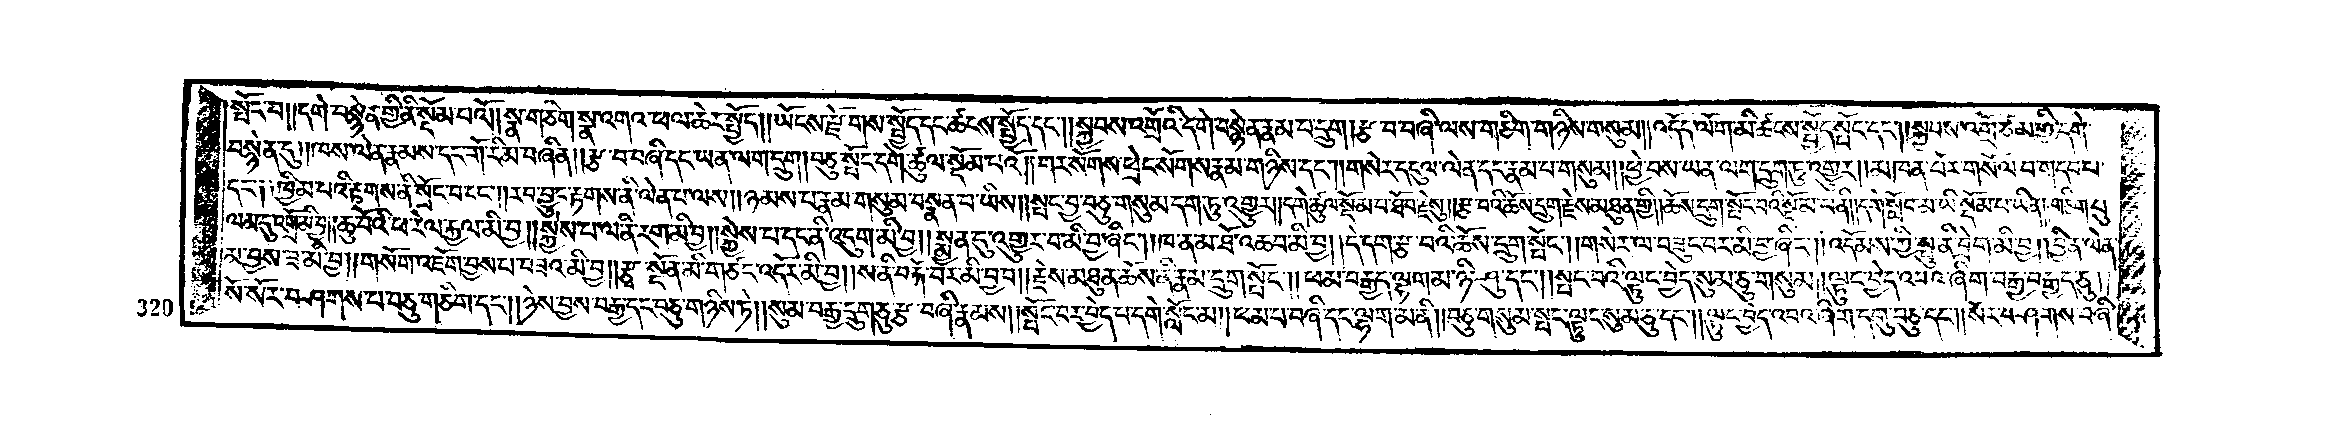སྤོང་བ། །དགེ་བསྙེན་གྱི་ནི་སྡོམ་པའོ། །སྣ་གཅིག་སྣ་འགའ་ཕལ་ཆེར་སྤྱོད། །ཡོངས་རྫོགས་སྤྱོད་དང་ཚངས་སྤྱོད་དང་། །སྐྱབས་འགྲོའི་དགེ་བསྙེན་རྣམ་པ་དྲུག །རྩ་བ་བཞི་ལས་གཅིག་གཉིས་གསུམ། །འདོད་ལོག་མི་ཚངས་སྤྱོད་སྤོང་དང་། །སྐྱབས་འགྲོ་ཙམ་གྱི་དགེ་
བསྙེན་དུ། །ཁས་ལེན་རྣམས་དང་གོ་རིམ་བཞིན། །རྩ་བ་བཞི་དང་ཡན་ལག་དྲུག །བཅུ་སྤོང་དགེ་ཚུལ་སྡོམ་པའོ། །གར་སོགས་ཕྲེང་སོགས་རྣམ་གཉིས་དང་། །གསེར་དངུལ་ལེན་དང་རྣམ་པ་གསུམ། །ཕྱེ་བས་ཡན་ལག་དྲུག་ཏུ་འགྱུར། །མཁན་པོར་གསོལ་བ་གདབ་པ་
དང་། །ཁྱིམ་པའི་རྟགས་ནི་སྲོང་བ་དང་། །རབ་བྱུང་རྟགས་ནི་ལེན་པ་ལས། །ཉམས་པ་རྣམ་གསུམ་བསྣན་པ་ཡིས། །སྤང་བྱ་བཅུ་གསུམ་དག་ཏུ་འགྱུར། །དགེ་ཚུལ་སྡོམ་པ་ཐོབ་རྗེས་སུ། །རྩ་བའི་ཆོས་དྲུག་རྗེས་མཐུན་གྱི། །ཆོས་དྲུག་སྤོང་བའི་སྡོམ་པ་ནི། །དགེ་སློབ་མ་ཡི་སྡོམ་པ་ཡིན། །གཅིག་པུ་
ལམ་དུ་འགྲོ་མི་བྱ། །ཆུ་བོའི་ཕ་རོལ་རྐྱལ་མི་བྱ། །སྐྱེས་པ་ལ་ནི་རེག་མི་བྱ། །སྐྱེས་པ་དང་ནི་འདུག་མི་བྱ། །སྨྱན་དུ་འགྱུར་བ་མི་བྱ་ཞིང་། །ཁ་ན་མ་ཐོ་འཆབ་མི་བྱ། །དེ་དག་རྩ་བའི་ཆོས་དྲུག་སྤོང་། །གསེར་ལ་བཟུང་བར་མི་བྱ་ཞིང་། །འདོམས་ཀྱི་སྤུ་ནི་བྲེག་མི་བྱ། །བྱིན་ལེན་
མ་བྱས་ཟ་མི་བྱ། །གསོག་འཇོག་བྱས་པ་བཟའ་མི་བྱ། །རྩྭ་སྔོན་མི་གཙང་འདོར་མི་བྱ། །ས་ནི་བརྐོ་བར་མི་བྱ་བ། །རྗེས་མཐུན་ཆོས་ནི་རྣམ་དྲུག་སྤོང་། །ཕམ་བརྒྱད་ལྷག་མ་ཉི་ཤུ་དང་། །སྤང་བའི་ལྟུང་བྱེད་སུམ་ཅུ་གསུམ། །ལྟུང་བྱེད་འབའ་ཞིག་བརྒྱ་བརྒྱད་ཅུ། །
སོ་སོར་བཤགས་པ་བཅུ་གཅིག་དང་། །ཉེས་བྱས་བརྒྱ་དང་བཅུ་གཉིས་ཏེ། །སུམ་བརྒྱ་དྲུག་ཅུ་རྩ་བཞི་རྣམས། །སྤོང་བར་བྱེད་པ་དགེ་སློང་མ། །ཕམ་པ་བཞི་དང་ལྷག་མ་ནི། །བཅུ་གསུམ་སྤང་ལྟུང་སུམ་ཅུ་དང་། །ལྟུང་བྱེད་འབའ་ཞིག་དགུ་བཅུ་དང་། །སོར་བཤགས་བཞི་